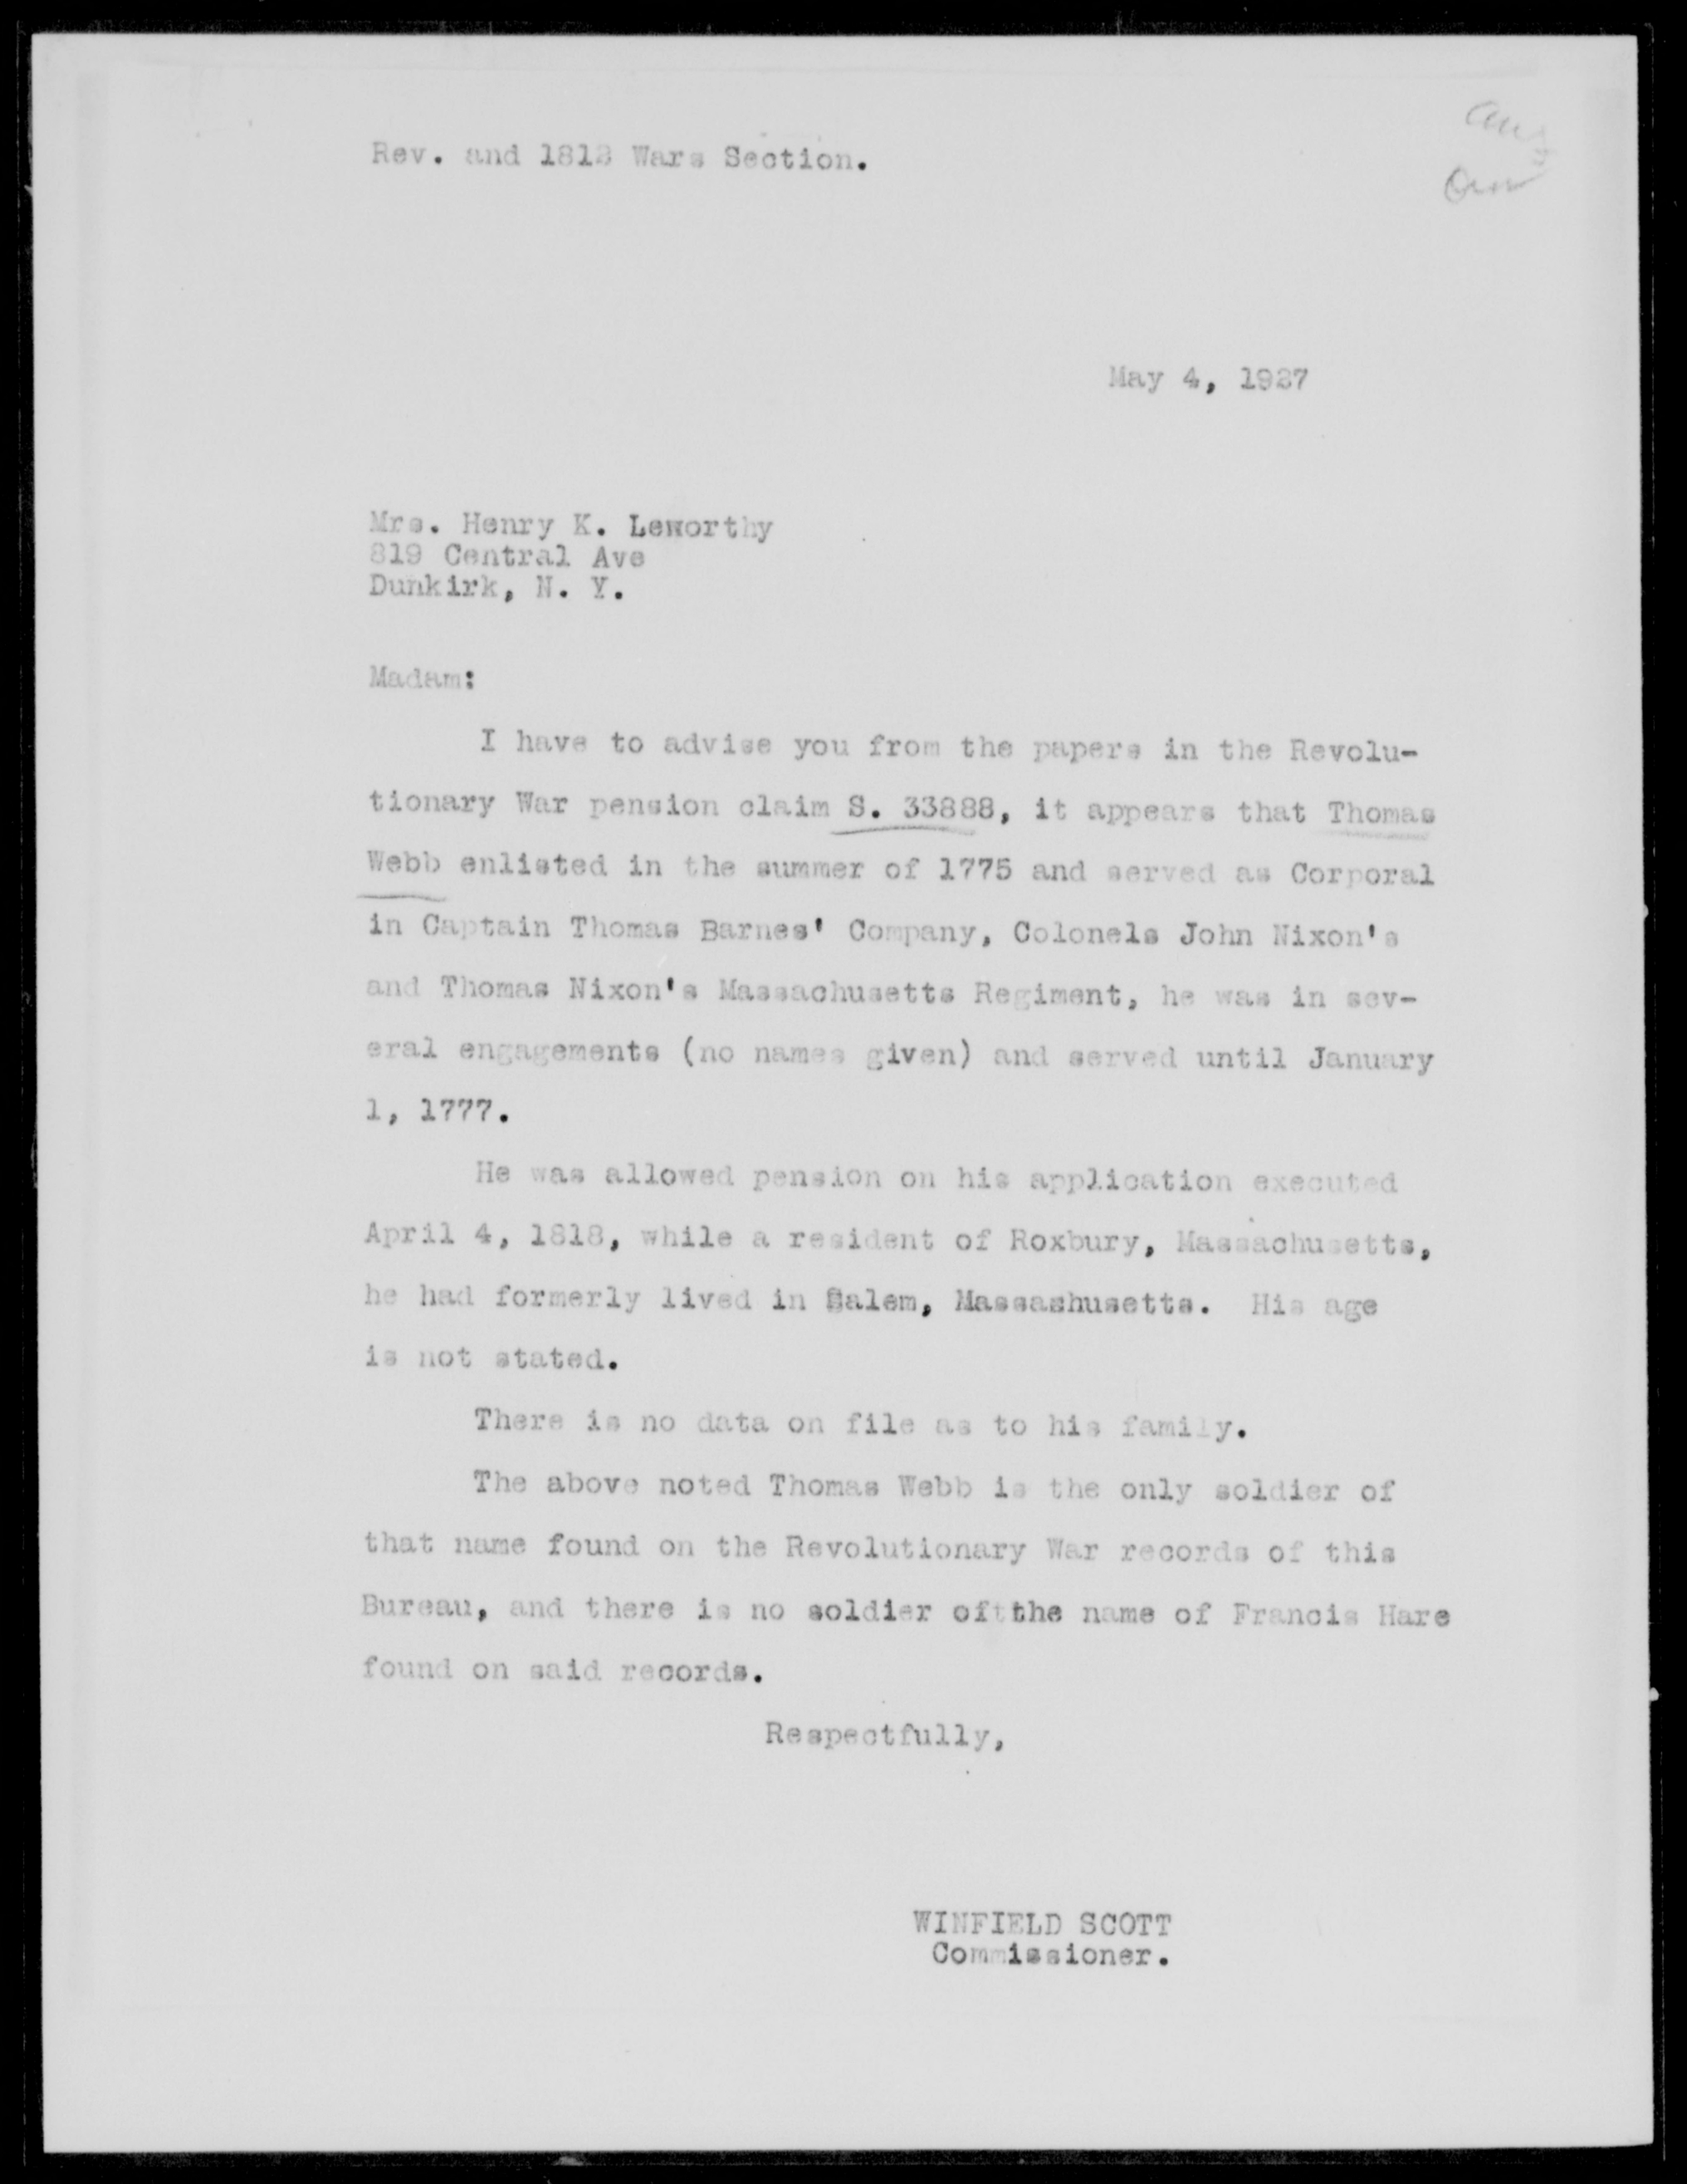Rev. and 1812 Wars Section

May 4, 1927

Mrs. Henry K. Leworthy
819Central Ave.
Dunkirk, N Y.

Madam:
I have to advise you from the papers in the Revolutionary War pension Claim S. 33888, it appears that Thomas Webb enlisted in the summer of 1775 and served as Corporal in Captain Thomas Barnes' Company, Colonels John  Nixon's and Thomas Nixon's Massachusetts Regiment, he was in several engagements (no names given) and served until January 1, 1777.
He was allowed pension on his application executed April 4, 1818, while a resident of Roxbury, Massachusetts, he had formerly lived in Salem, Massachusetts. Hi age is not stated.
There is no data on file as to his family.
The above noted Thomas Webb is the only soldier of that name found on the Revolutionary War records of this Bureau, and there is no soldier of the name of Francis Hare found on said records.
Respectfully,
Winfield Scott
Commissioner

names: Thomas Webb, Winfield Scott, Henry K Leworthy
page: 11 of 14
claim: survivor's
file: S. 33888, Thomas Webb, Mass.